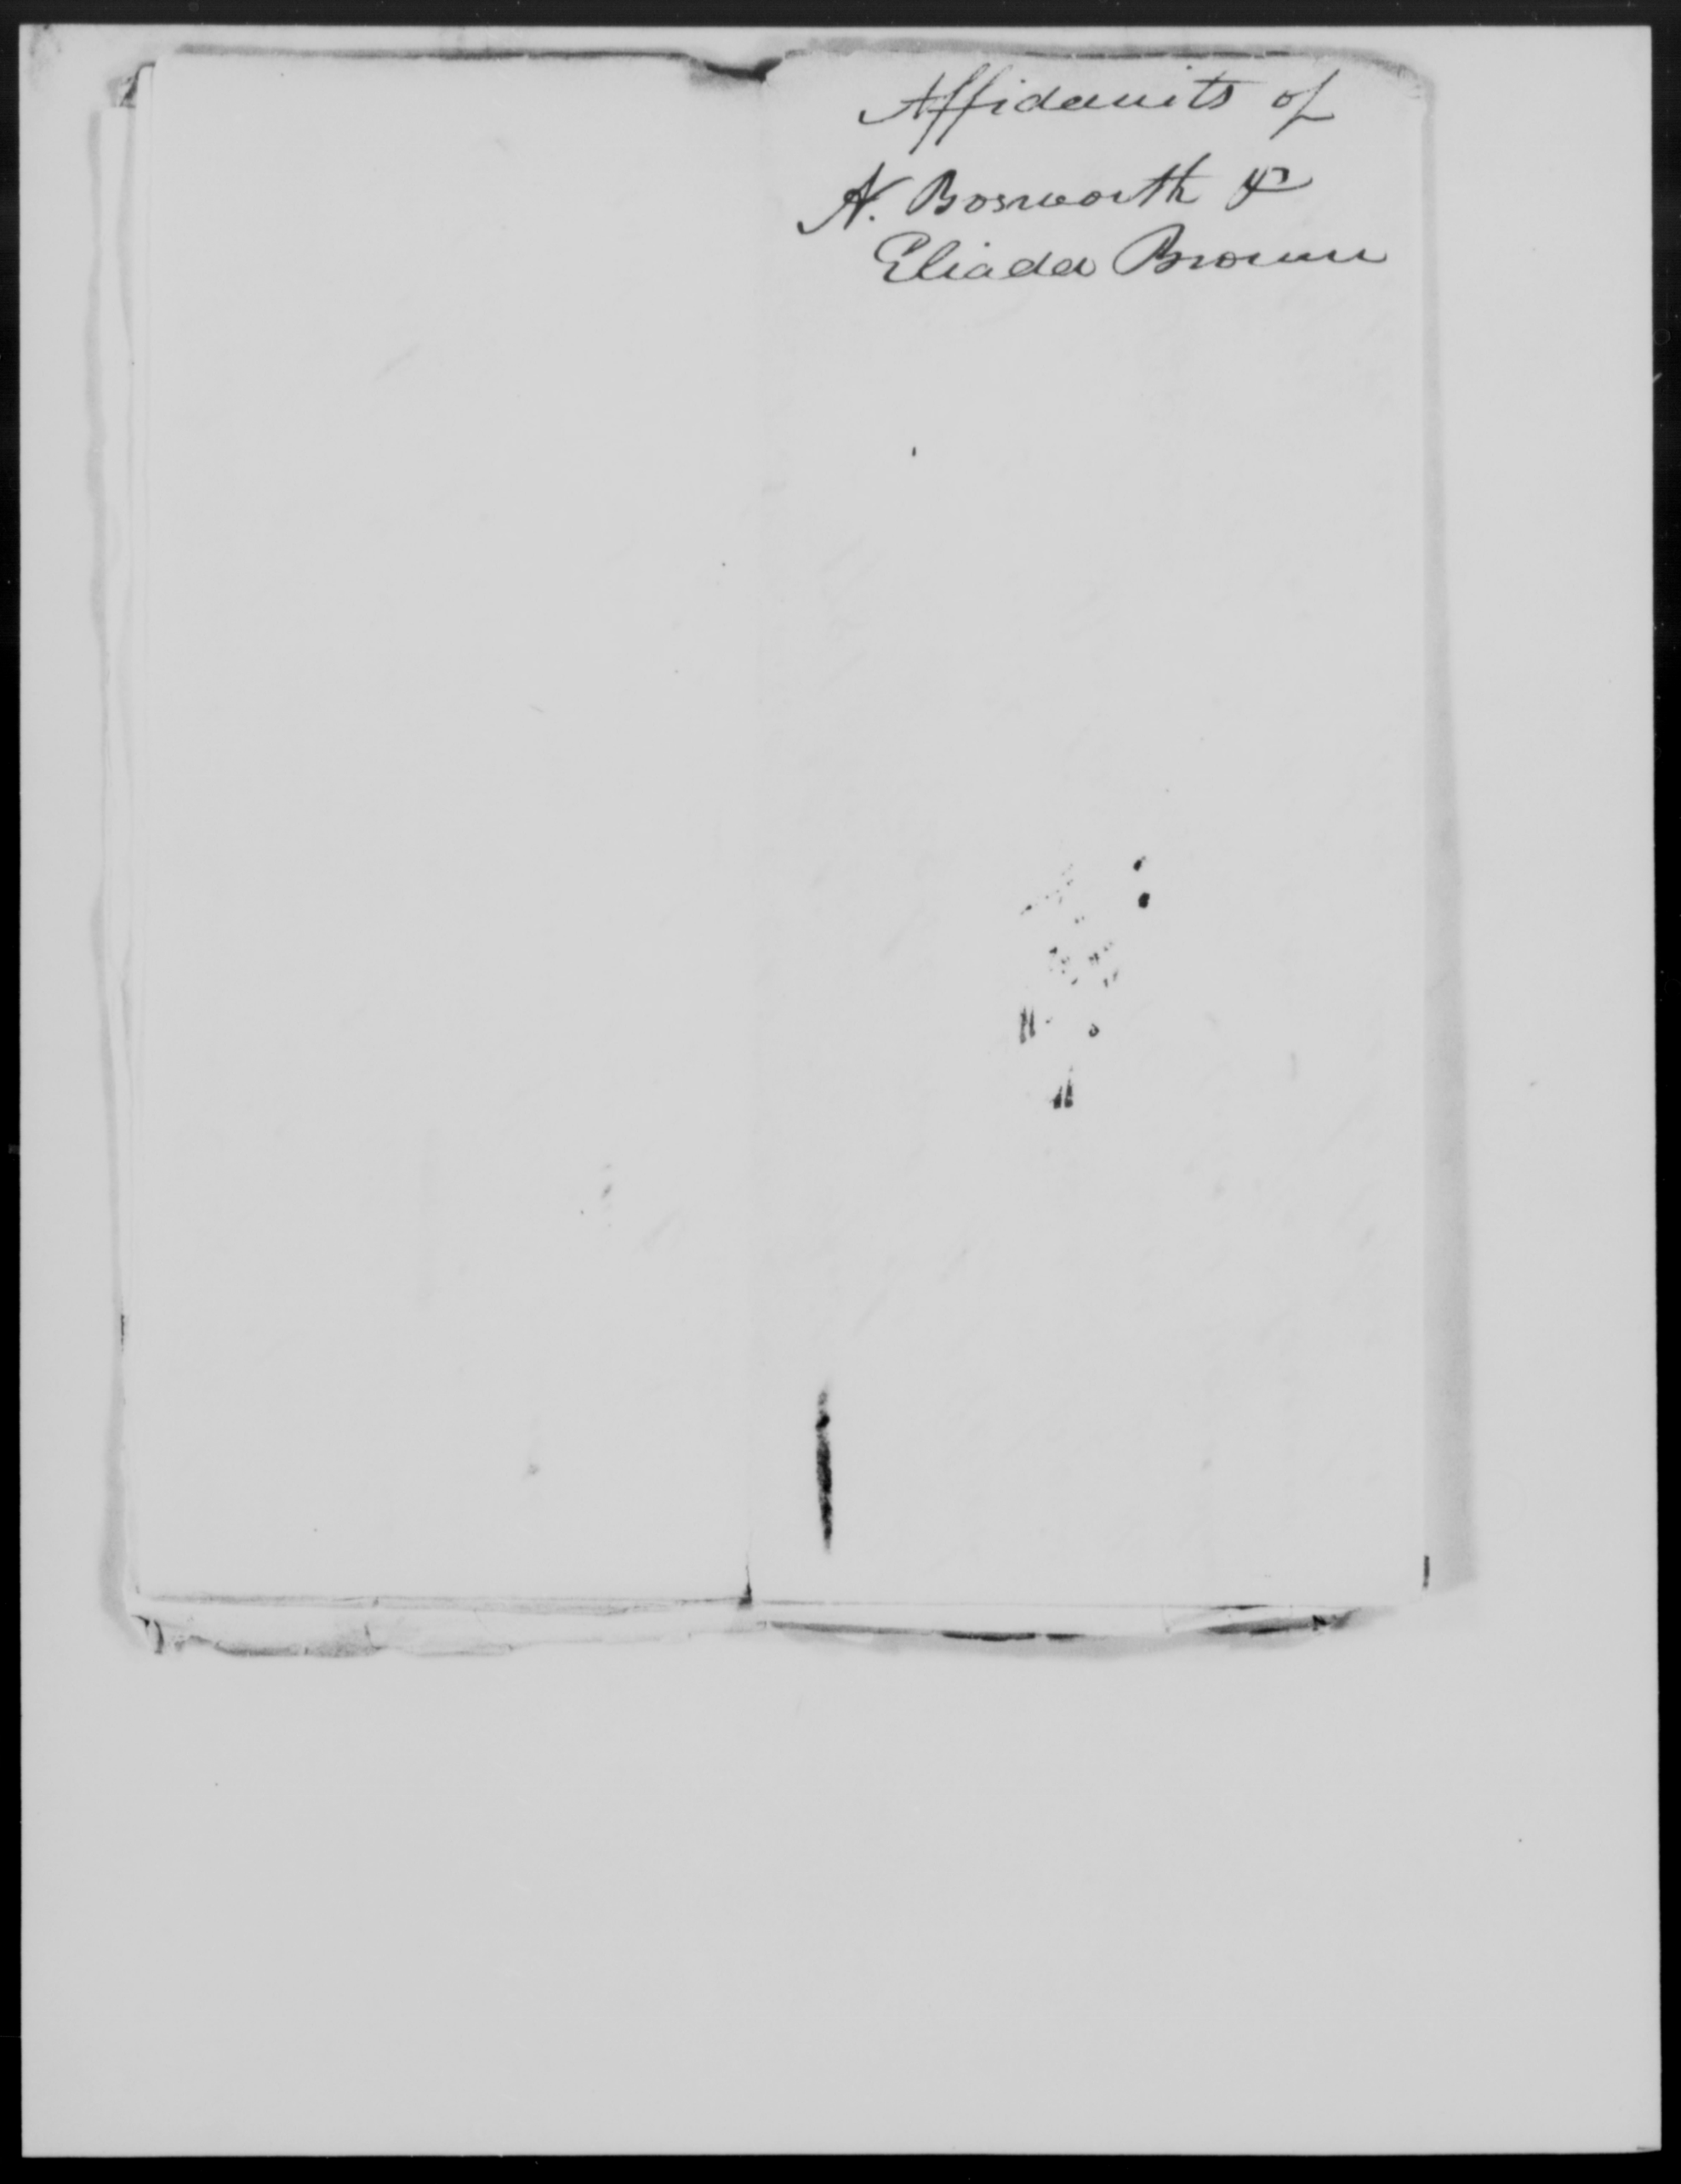Affidavits of
N. Bosworth &
Eliada Brown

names: Eliada Brown, N Bosworth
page: 18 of 26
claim: widow's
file: W. 26,137, Elijah Wright, N.H.